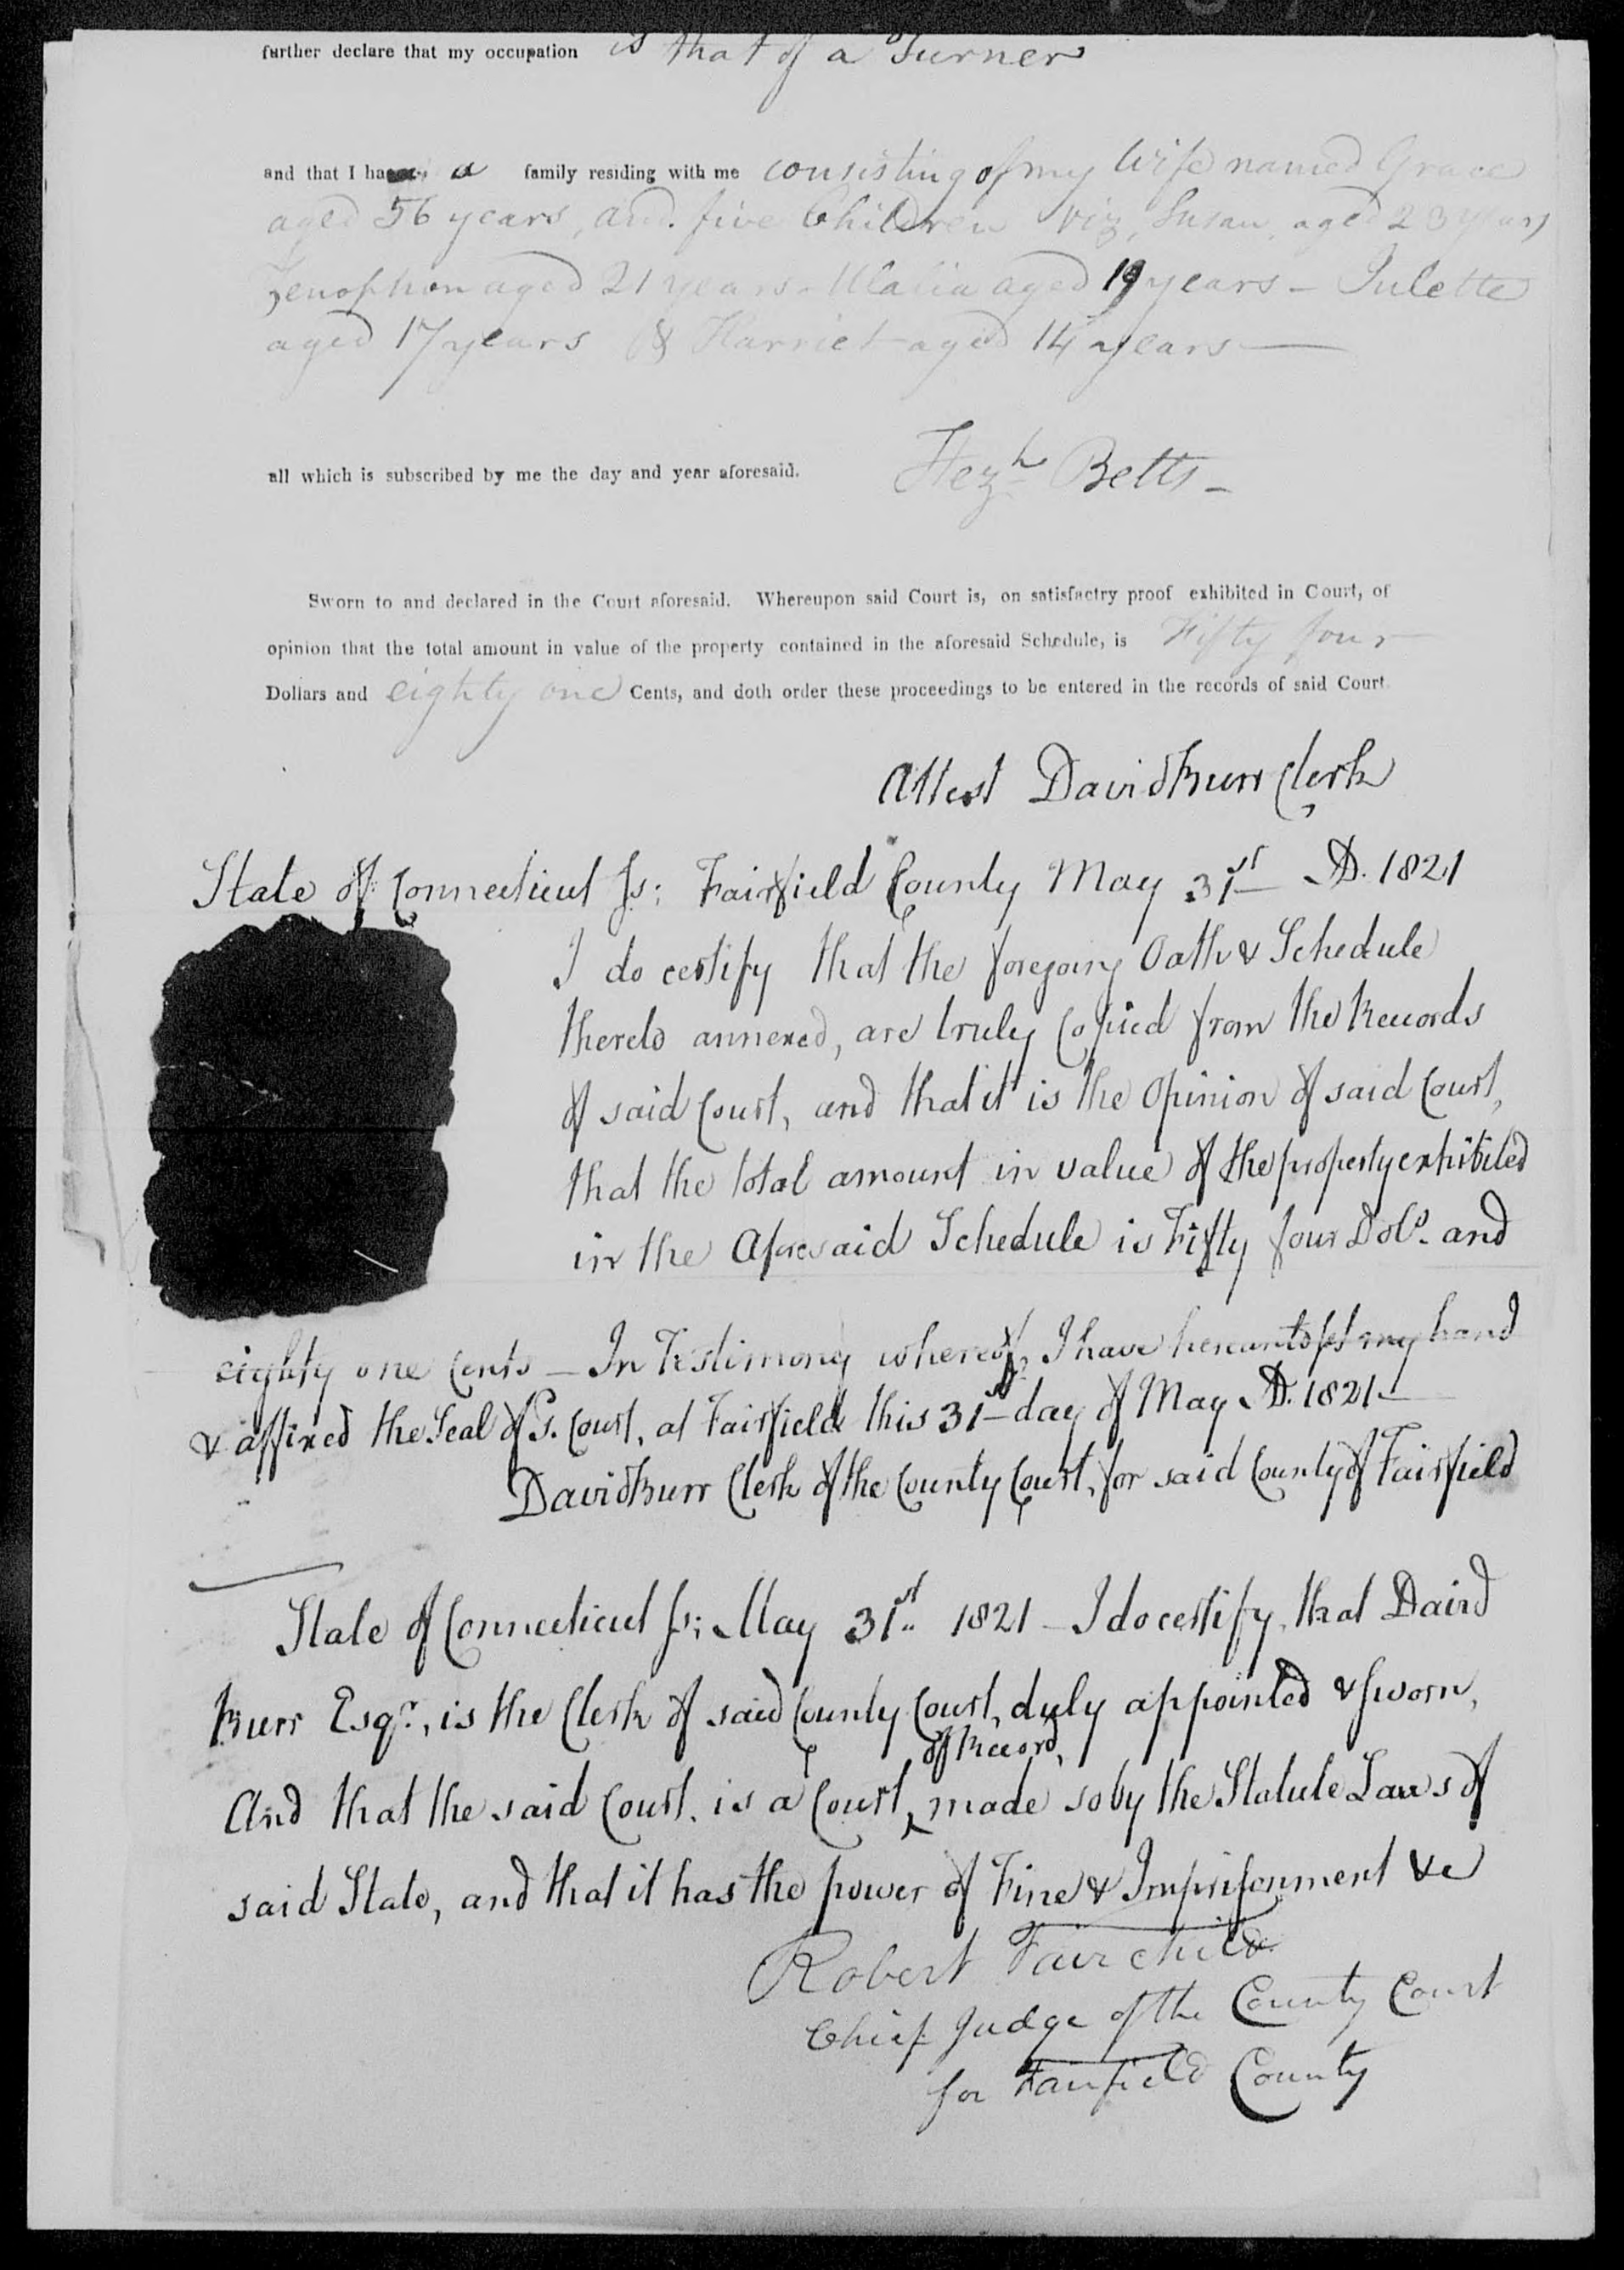further declare that my occupation is that of a Turner and that I had my family residing with me consisting of my wife named Grace aged 56 years, and five Children viz. Susan aged years, Zenophom aged 21 years, Ulalia aged 19 years, Juliette aged 17 years, & Harriet aged 14 years all which is subscribed  by me the day and year aforesaid Hezh Betts.

Sworn to and declared in the Court aforesaid. Whereupon said Court is, on satisfactory proof exhibited in Court, of opinion that the total amount in value of the property contained in the aforesaid Schedule, is Fifty Four Dollars and Eighty One Cents, and doth order these proceedings to be entered in the records of said Court. 
Attest David Burr, Clerk

State of Connecticut, Ss, Fairfield County may 31st AD 1821
I do certify that the foregoing oath & schedule thereto annexed, are truly copied from the Records of said Court, and that it is the opinion of said Court that the total amount in value of the property exhibited in the aforesaid schedule is fifty four dollars and eighty one Cents. in Testimony whereof, I have hereunto put my hand & affixed the Seal of Said Court, at Fairfield this 31 day of May AD 1821. 
David Burr, Clerk of the Court for said County of Fairfield 
State of Connecticut S. May 31, 1821. I do certify that David Burr Esq. is the Clerk of said County Court, duly appointed & sworn, and that the said Court is a Court made so by the Statute Laws of said State, and that it has the power of Fine & Imprisonment &c.

Robert Fairchild
Chief Judge of the County Court for Fairfield County.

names: David Burr, Robert Fairchild, David Burr, Grace, Susan, Hezh Betts, David Burr, Julette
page: 6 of 61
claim: widow's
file: W. 29,929, Hezekiah Betts, Conn.